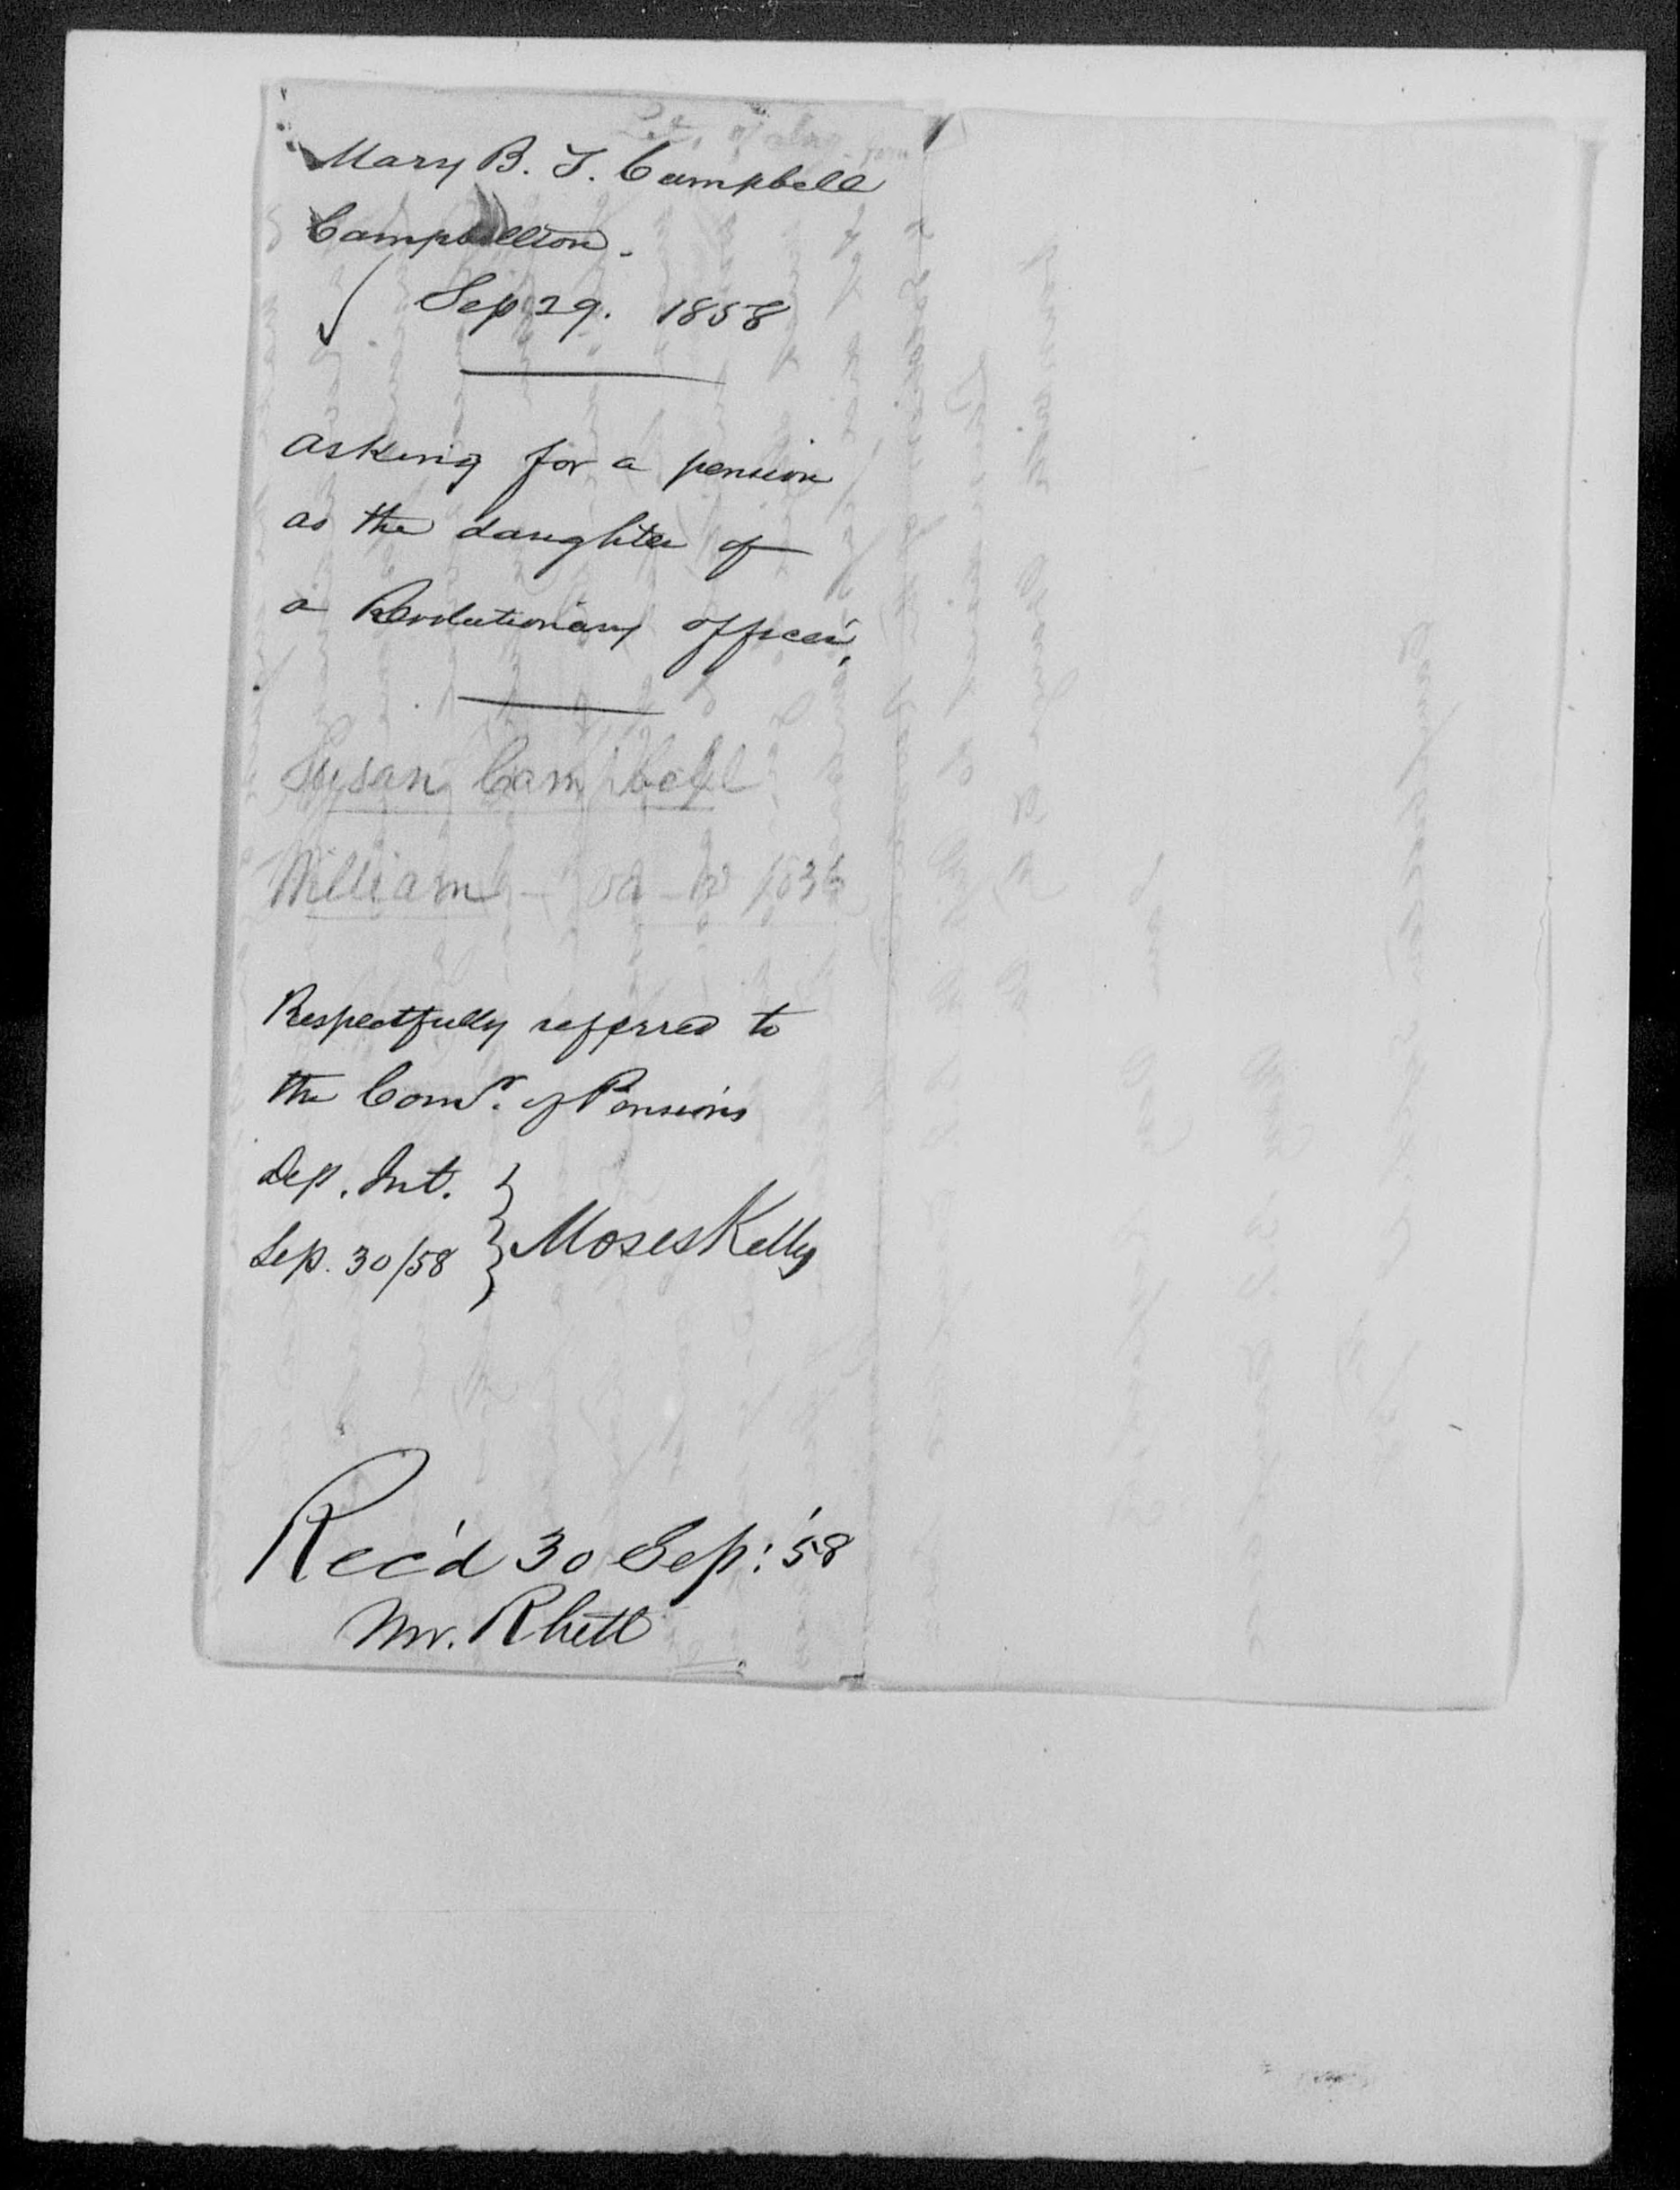Mary B. T. Campbell
Campbellton.

check mark.    Sep 29.   1858

Asking for a pension as the daughter of a Revolutionary officer,

Susan Campbell [underlined]

William  ___  Va  ___  No 1036


Respectfully referred to the Comr. of Pensions
Moses Kelly
Dep. Int.
Sep. 30/58


Rec'd 30 Sep: '58
Mr. Rhett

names: Rhett, Moses Kelly, Susan Campbell, Mary B T Campbell, William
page: 36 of 267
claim: widow's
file: W. 4,149, William Campbell, Va.